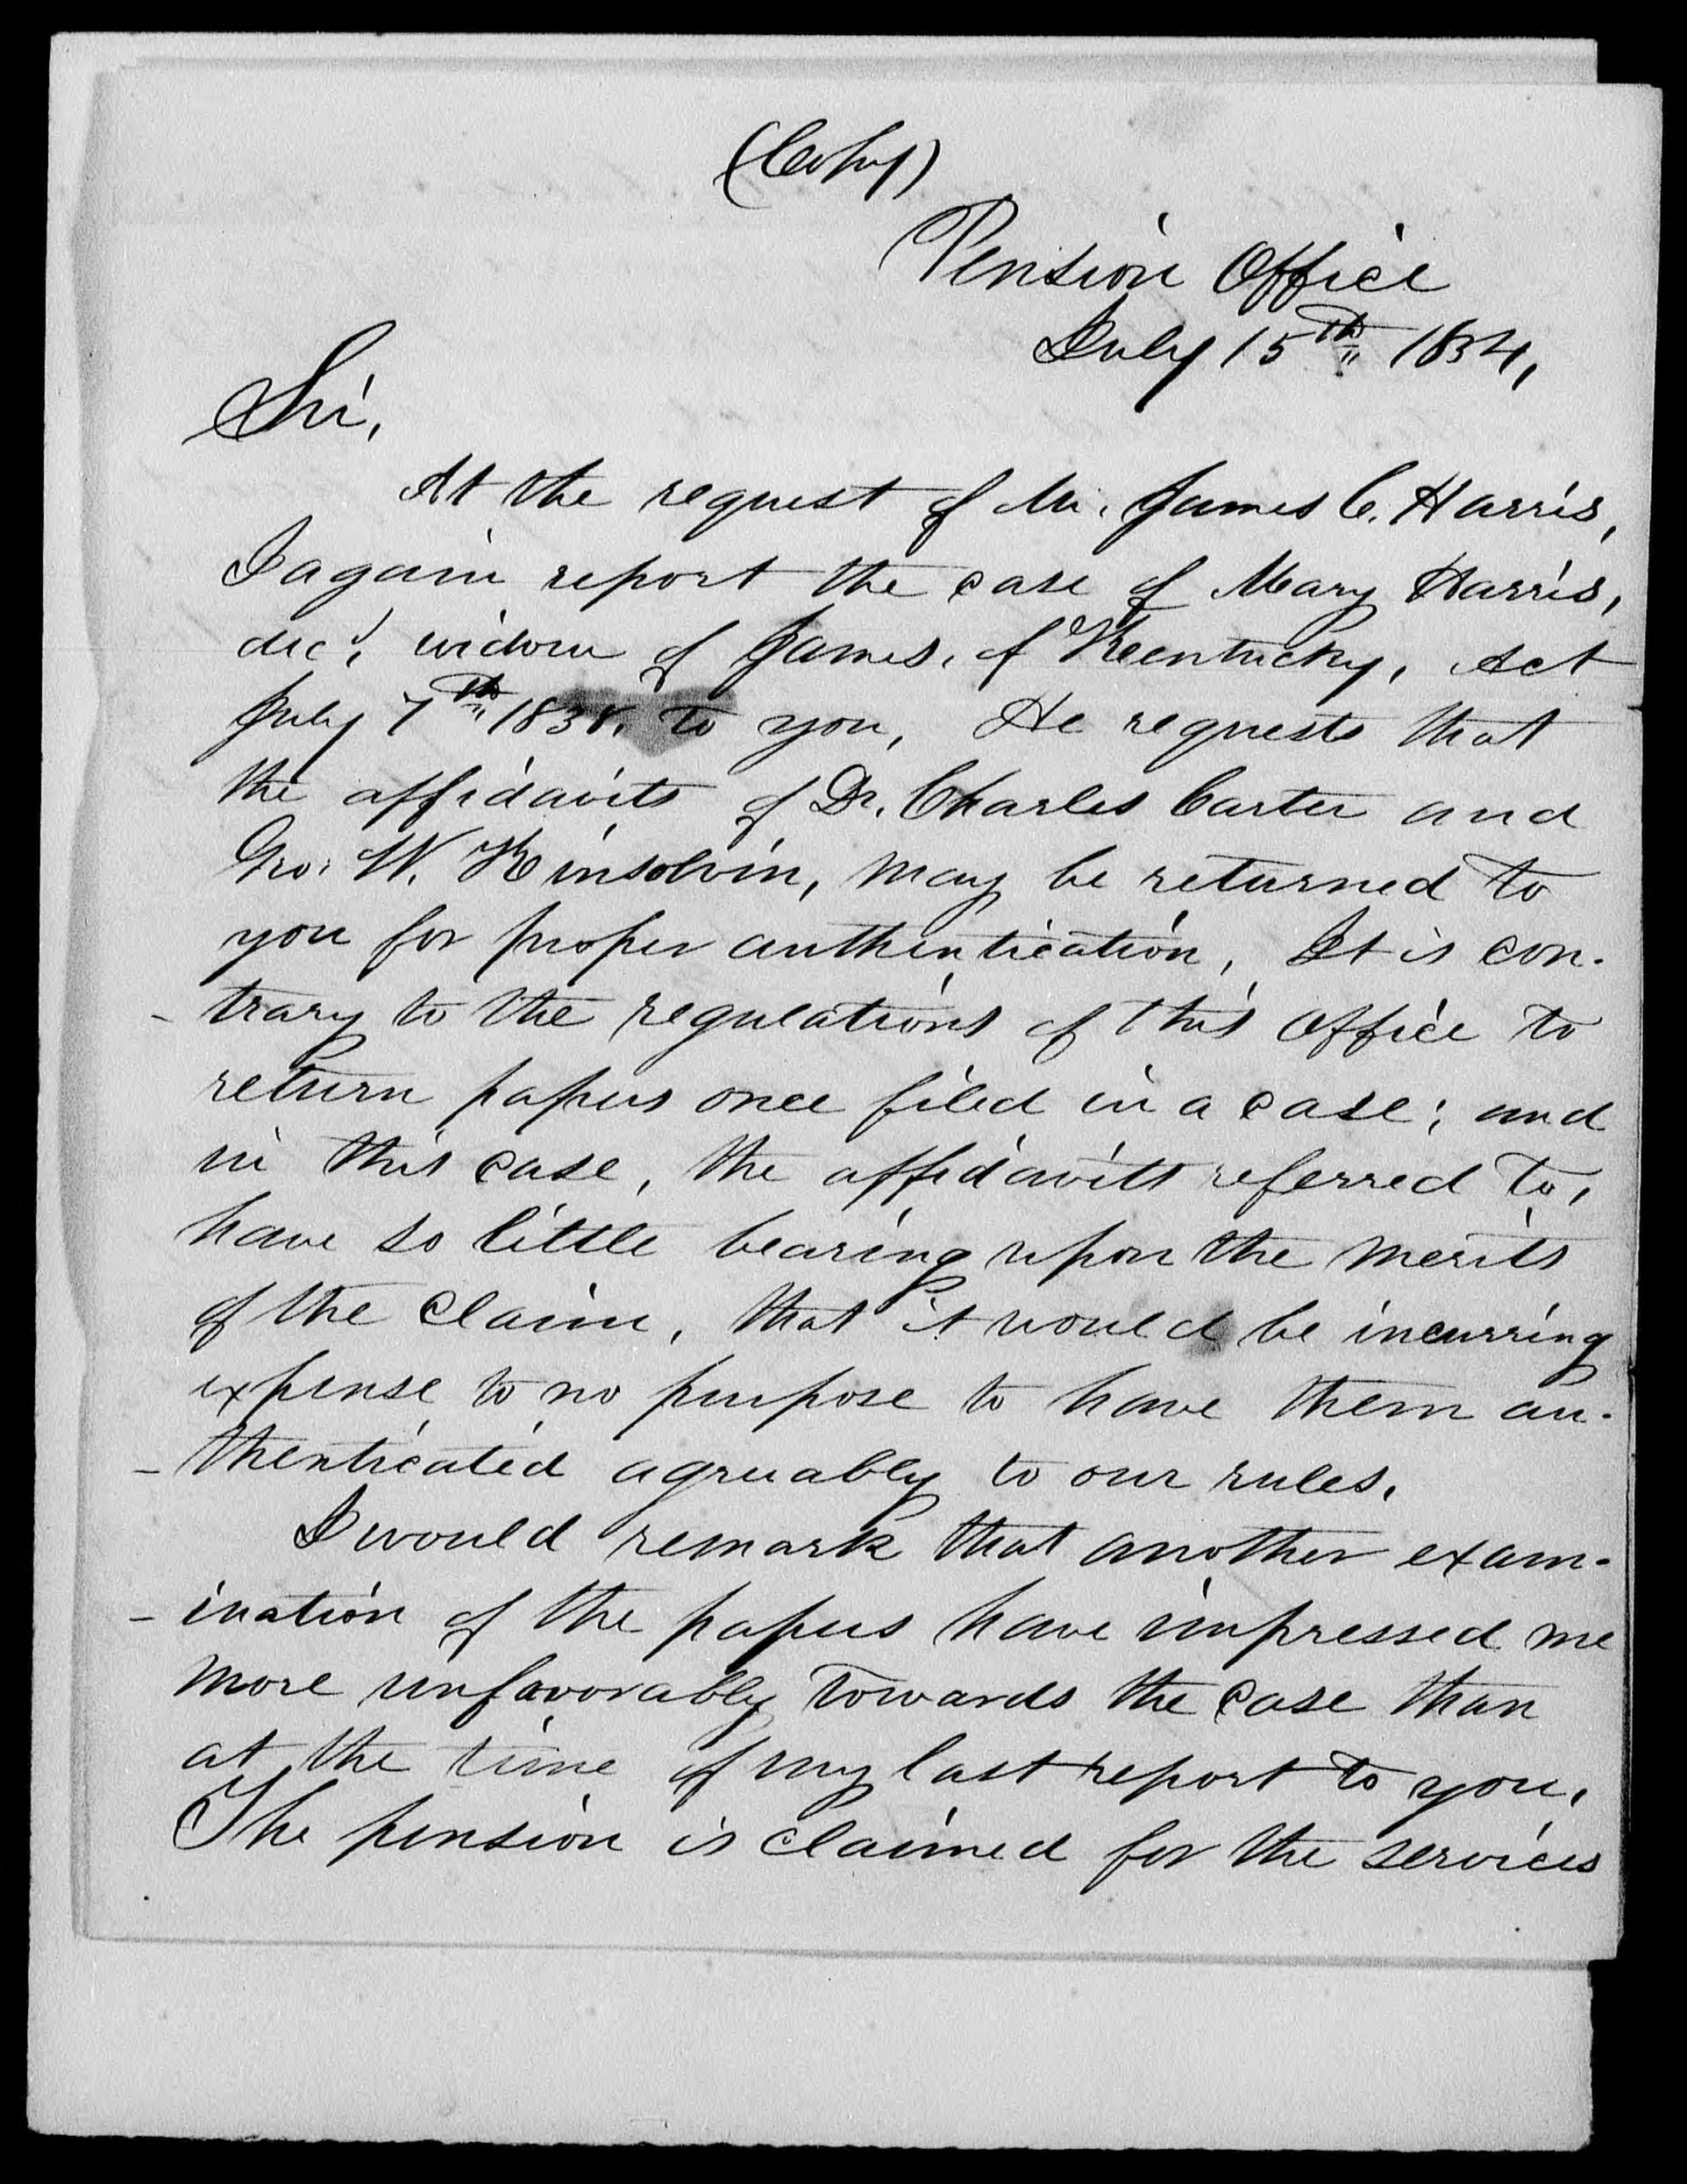(Copy)
Pension Office July 15th 1854

Sir,
At the request of Mr. James C. Harris, I again report the case of Mary Harris, decd widows of James, of Kentucky, Act July 7th 1838, to you.  He requests that the affidavits of Dr. Charles Carter and Geo. W. Kinsolvin [sic], may be returned to you for proper authentication.  It is contrary to the regulations of this office to return papers once filed in a case, and in this case, the affidavits referred to, have so little bearing upon the merits of the claim, that it would be incurring expense to no purpose to have them authenticated agreeably to our rules.
I would remark that another examination of the papers have impressed me more unfavorably towards the case than at the time of my last report to you.  The pension is claimed for the services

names: Charles Carter, Geo W Kinsolvin, James C Harris, Mary Harris, James Harris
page: 124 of 160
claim: rejected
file: R. 4666, James Harris, Va.